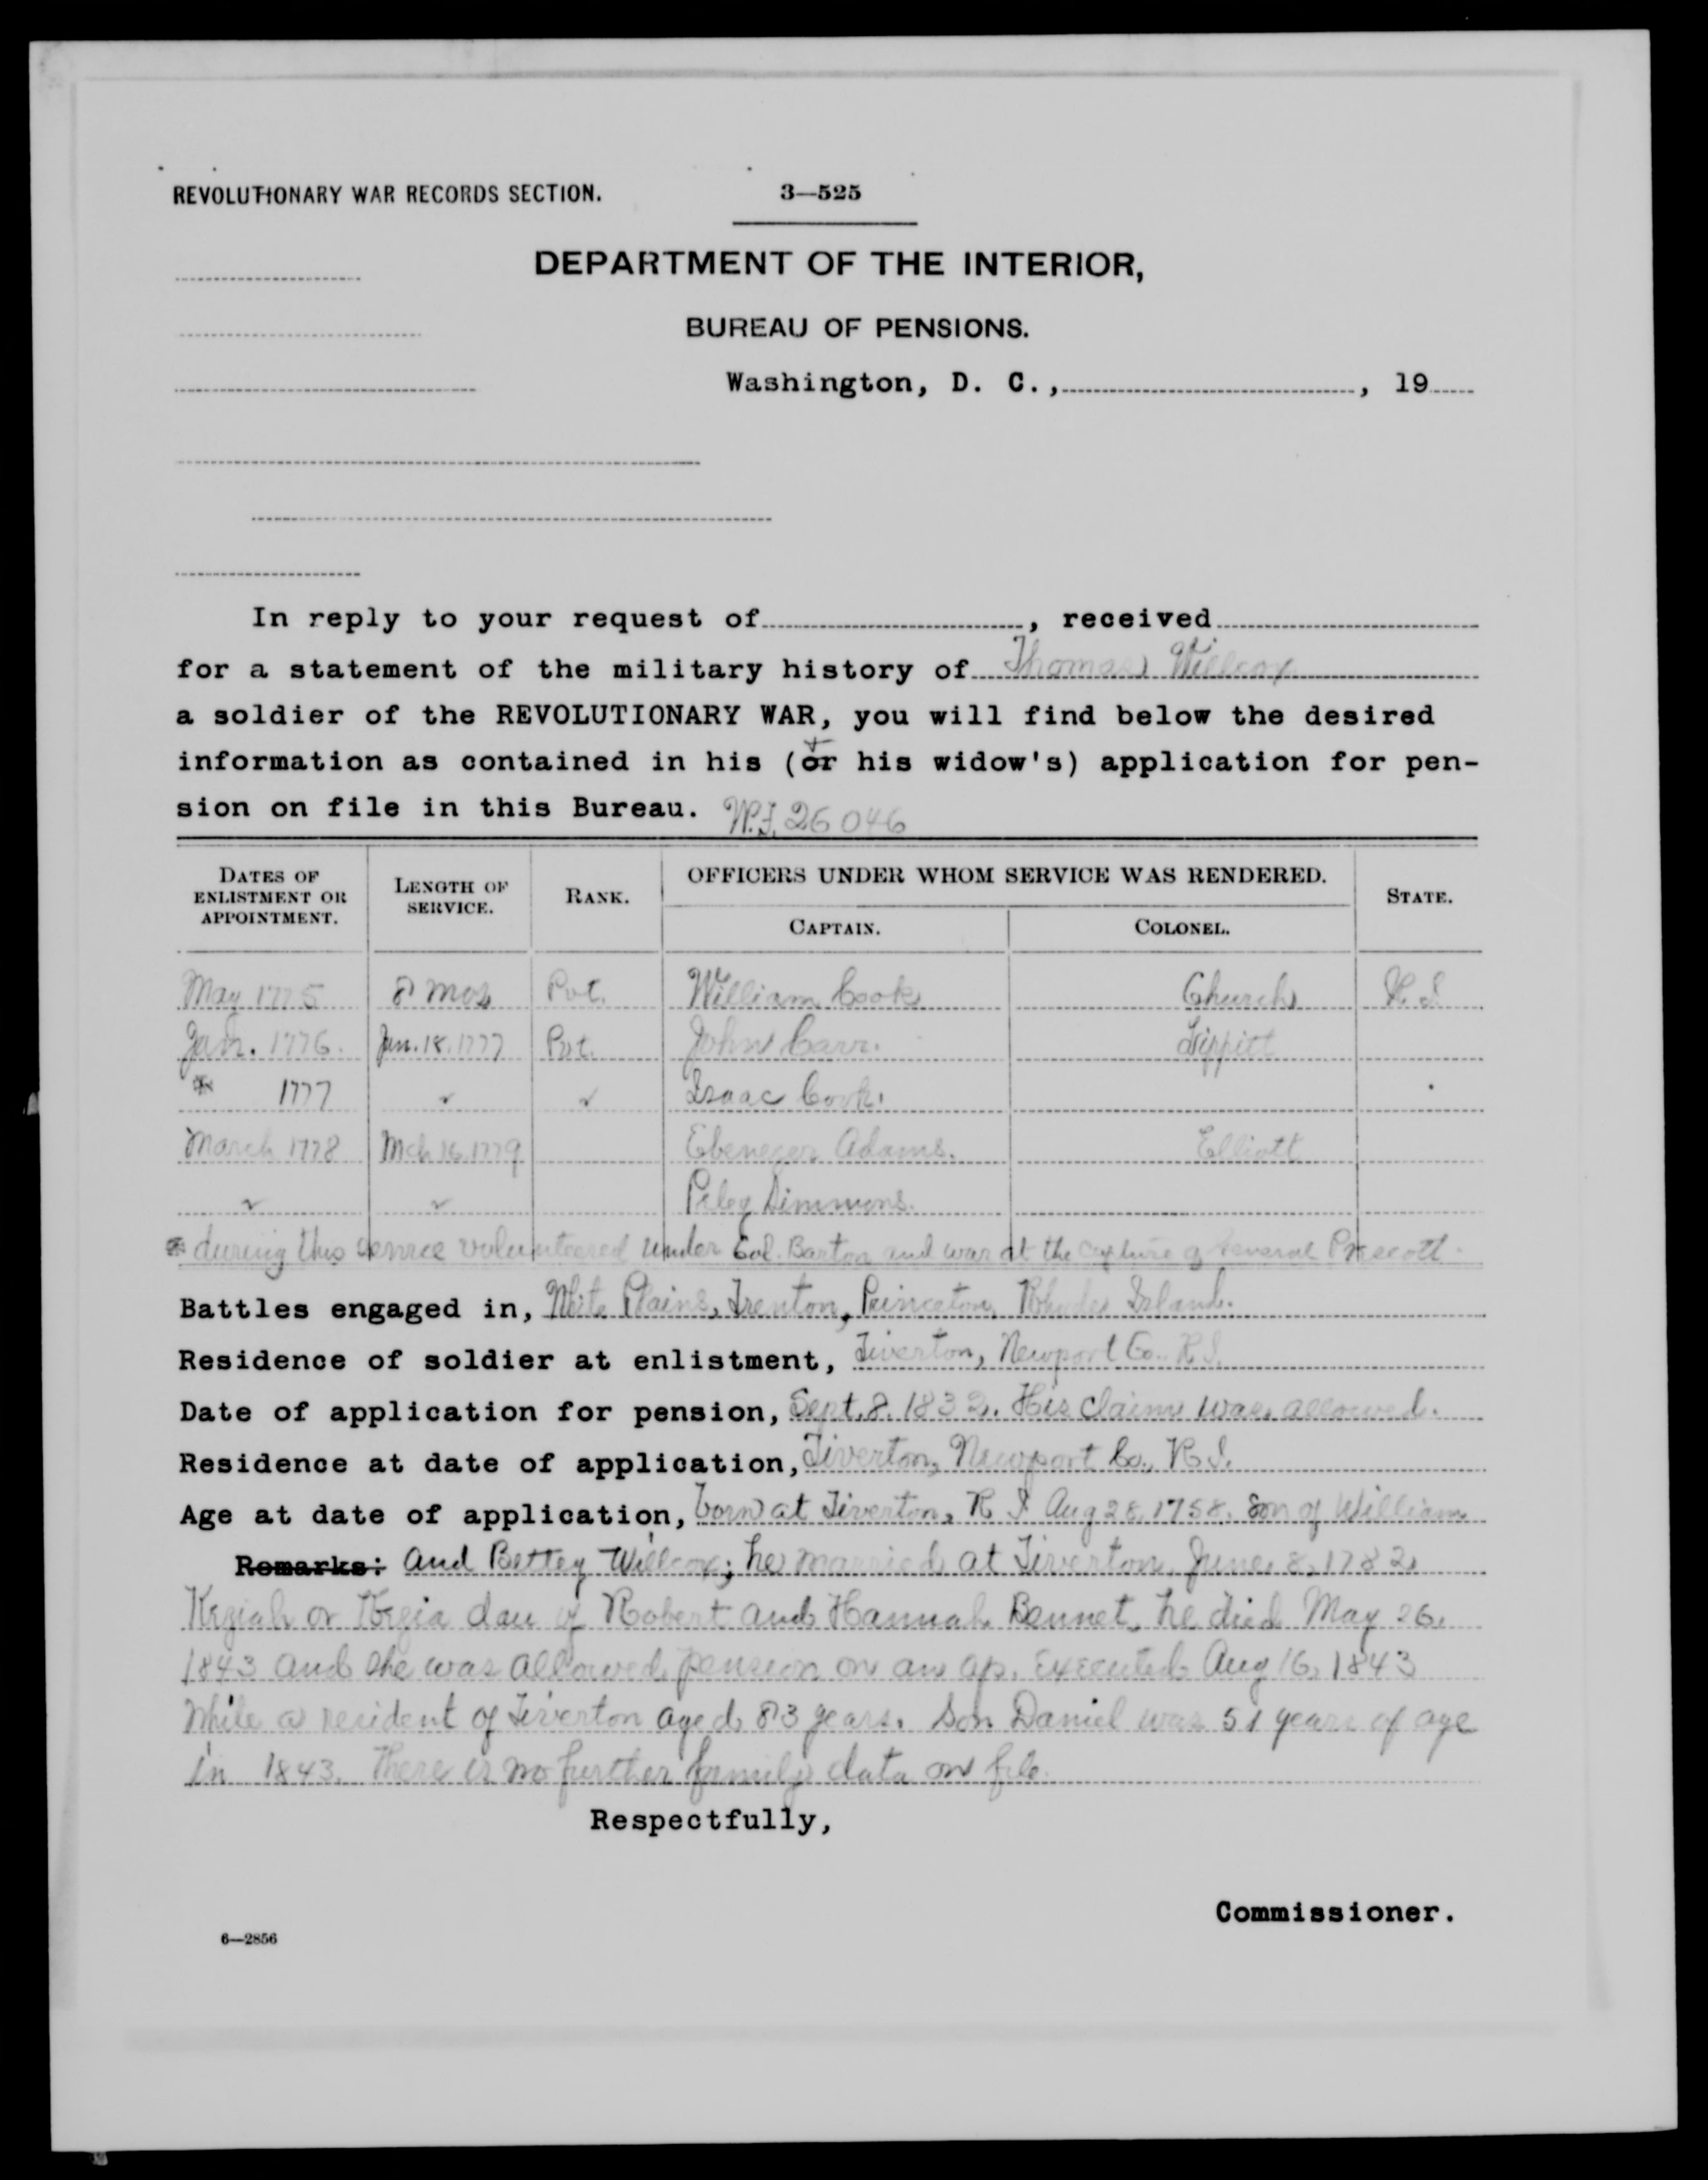REVOLUTIONARY WAR RECORDS SECTION.  3-525
DEPARTMENT OF THE INTERIOR,
BUREAU OF PENSIONS.
Washington, D. C., ,19

In reply to your request of received
for a statement of the military history of Thomas Willcox
a soldier of the REVOLUTIONARY WAR, you will find below the desired
information as contained in his (& [or crossed out] his widow's) application for pension
on file in this Bureau. W.F. 26046

[column headings] DATES OF ENLISTMENT OR APPOINTMENT. | LENGTH OF SERVICE. | RANK. | OFFICERS UNDER WHO SERVICE WAS RENDERED. CAPTAIN. | COLONEL. | STATE.

May 1775 | 8 mos. | Pvt. | William Cook | Church | R. I.
Jan. 1776. | Jun. 18, 1777 | Pvt. | John Carr. | Trippitt | 
1777 | [checkmark] | [checkmark | Isaac Cook. | |
March 1778 | Mch 16, 1779 | | Ebenezer Adams. | Elliott |
[checkmark] | [checkmark] | | Paley Simmons. | |
during this service volunteered under Col. Barton and was at the capture of General Prescott.

Battles engaged in, White Plains, Trenton, Princeton, Rhode Island.
Residence of soldier at enlistment, Tiverton, Newport Co., R.I.
Date of application for pension, Sept. 8, 1832 His claim was allowed.
Residence at date of application, Tiverton, Newport Co., R. I.
Age at date of application, born at Tiverton, RI Aug 28, 1758. Son of William
[Remarks: crossed out] and Bettey Willcox; he married at Tiverton, June 8, 1782
Keziah or Ibrzia dau of Robert and Hannah Bennet, he died May 26,
1843 and she was allowed pension on an ap. Executed Aug 16, 1843
while a resident of Tiverton aged 83 years. Son Daniel was 51 years of age
in 1843. There is no further family data on file.

Respectfully,
6 -- 2856
Commissioner.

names: Kezia, Robert Bennet, William, Hannah Bennet, Elliott, Ebenezer Adams, Thomas Willcox, William Cook, Isaac Cook, Peleg Simmons, Bettey Willcox, Church, Prescott, Tripplet, Daniel, John Carr, Keziah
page: 39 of 39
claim: widow's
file: W. 26046, Thomas Willcox, R.I.